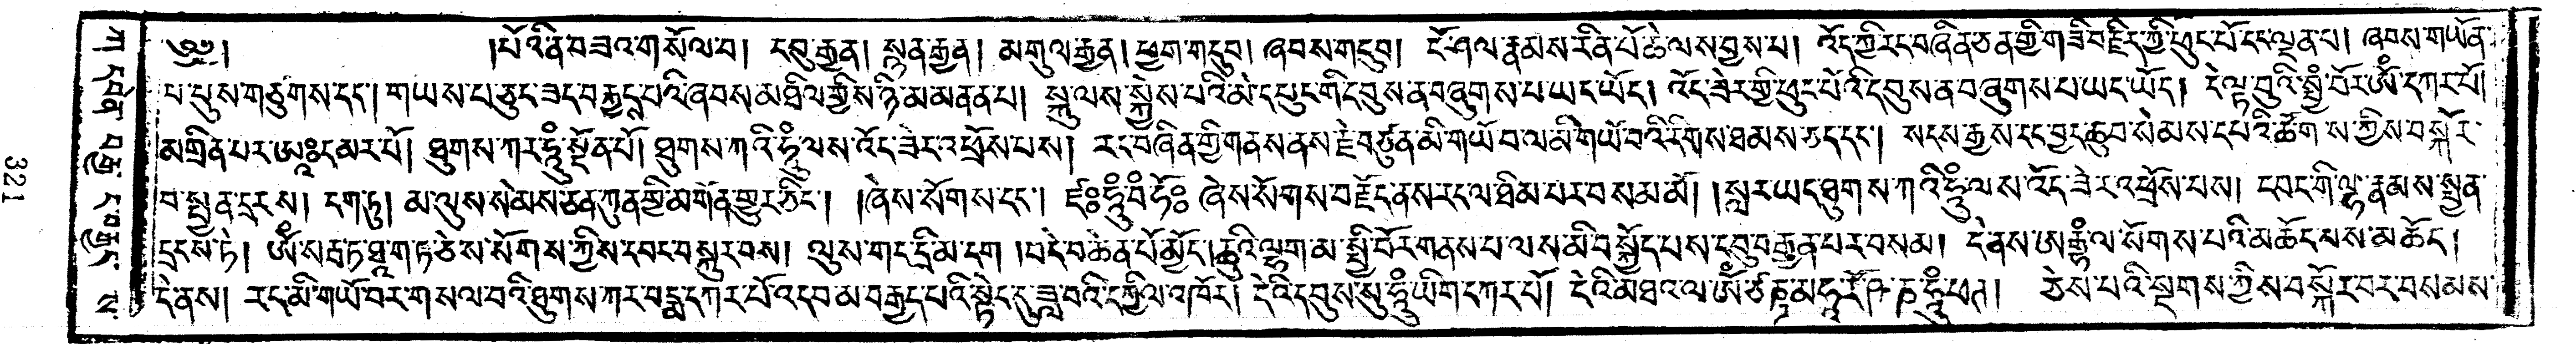༄༅། །པོའི་ན་བཟའ་གསོལ་བ། དབུ་རྒྱན། སྙན་རྒྱན། མགུལ་རྒྱན། ཕྱག་གདུབ། ཞབས་གདུབ། ངོ་ཤལ་རྣམས་རིན་པོ་ཆེ་ལས་བྱས་པ། འོད་ཀྱི་རང་བཞིན་ཅན་གྱི་གཟི་བརྗིད་ཀྱི་ཕུང་པོ་དང་ལྡན་པ། ཞབས་གཡོན་
པ་པུས་གཙུགས་དང་། གཡས་པ་ཅུང་ཟད་བརྐྱངས་པའི་ཞབས་མཐིལ་གྱིས་ཉི་མ་མནན་པ། སྐུ་ལས་སྐྱེས་པའི་མེ་དཔུང་གི་དབུས་ན་བཞུགས་པ་ཡང་ཡོད། འོད་ཟེར་གྱི་ཕུང་པོའི་དབུས་ན་བཞུགས་པ་ཡང་ཡོད། དེ་ལྟ་བུའི་སྤྱཾ་བོར་ཨོཾ་དཀར་པོ།
མགྲིན་པར་ཨཱཿ དམར་པོ། ཐུགས་ཀར་ཧཱུཾ་སྔོན་པོ། ཐུགས་ཀའི་ཧཱུཾ་ལས་འོད་ཟེར་འཕྲོས་པས། རང་བཞིན་གྱི་གནས་ནས་རྗེ་བཙུན་མི་གཡོ་བ་ལ་མི་གཡོ་བའི་རིགས་ཐམས་ཅད་དང་། སངས་རྒྱས་དང་བྱང་ཆུབ་སེམས་དཔའི་ཚོགས་ཀྱིས་བསྐོར་
བ་སྤྱན་དྲངས། དག་ཏུ། མ་ལུས་སེམས་ཅན་ཀུན་གྱི་མགོན་གྱུར་ཅིང་། །ཞེས་སོགས་དང་། ཛཿ ཧཱུཾ་བཾ་ཧོཿ ཞེས་སོགས་བརྗོད་ནས་རང་ལ་ཐིམ་པར་བསམ་མོ། །སླར་ཡང་ཐུགས་ཀའི་ཧཱུཾ་ལས་འོད་ཟེར་འཕྲོས་པས། དབང་གི་ལྷ་རྣམས་སྤྱན་
དྲངས་ཏེ། ཨོཾ་སརྦ་ཏ་ཐཱ་ག་ཏ་ཅེ་ས་སོགས་ཀྱིས་དབང་བསྐུར་བས། ལུས་གང་དྲི་མ་དག །བདེ་བ་ཆེན་པོ་མྱོང་། ཆུའི་ལྷག་མ་སྤྱི་བོར་གནས་པ་ལས་མི་བསྐྱོད་པས་དབུ་བརྒྱན་པར་བསམ། དེ་ནས་ཨརྒྷཾ་ལ་སོགས་པའི་མཆོད་པས་མཆོད།
དེ་ནས། རང་མི་གཡོ་བར་གསལ་བའི་ཐུགས་ཀར་པདམ་དཀར་པོ་འདབ་མ་བརྒྱད་པའི་སྟེང་དུ་ཟླ་བའི་དཀྱིལ་འཁོར། དེའི་དབུས་སུ་ཧཱུཾ་ཡིག་དཀར་པོ། དེའི་མཐའ་ལ་ཨོཾ་ཙཎྜ་མཧཱ་རོ་ཥ་ཎ་ཧཱུཾ་ཕཊ། ཅེས་པའི་སྔགས་ཀྱིས་བསྐོར་བར་བསམས་